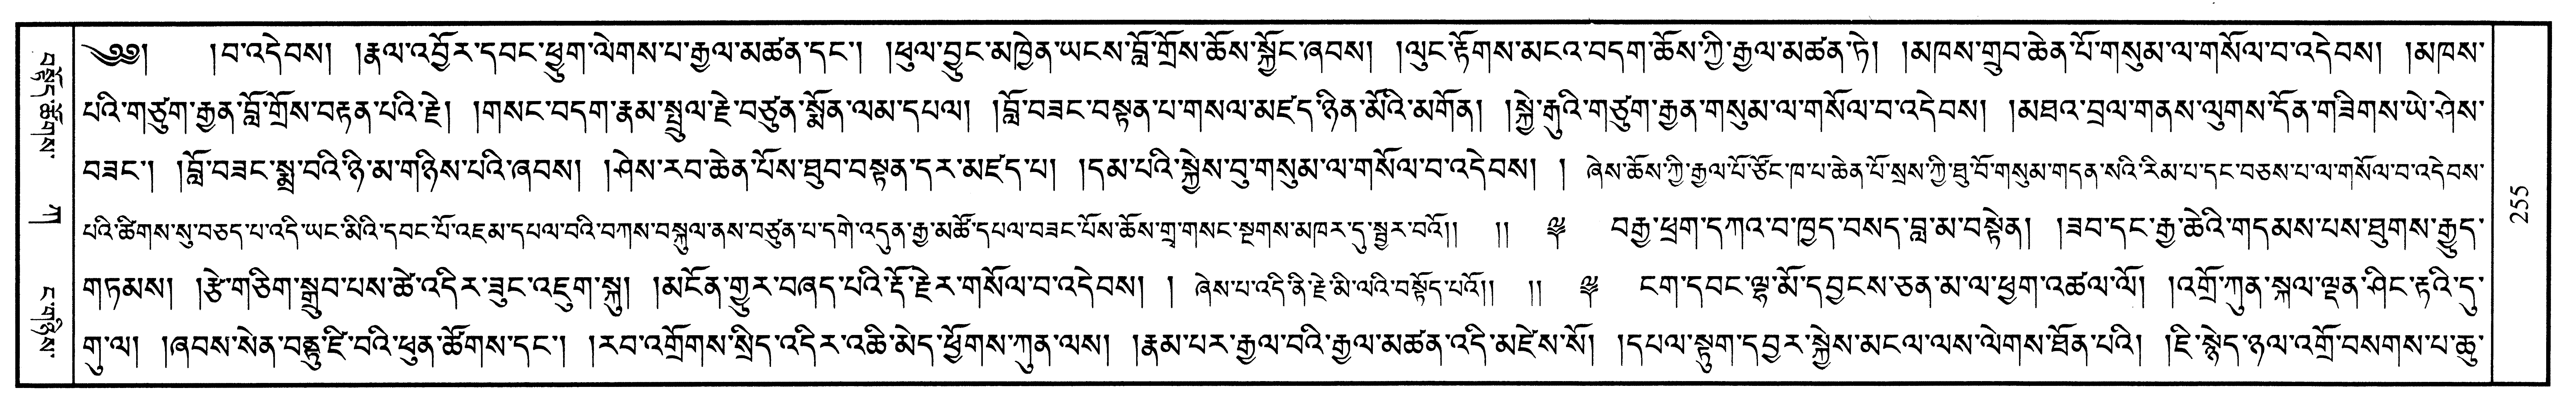༄༅། །བ་འདེབས། །རྣལ་འབྱོར་དབང་ཕྱུག་ལེགས་པ་རྒྱལ་མཚན་དང་། །ཕུལ་བྱུང་མཁྱེན་ཡངས་བློ་གྲོས་ཆོས་སྐྱོང་ཞབས། །ལུང་རྟོགས་མངའ་བདག་ཆོས་ཀྱི་རྒྱལ་མཚན་ཏེ། །མཁས་གྲུབ་ཆེན་པོ་གསུམ་ལ་གསོལ་བ་འདེབས། །མཁས་
པའི་གཙུག་རྒྱན་བློ་གྲོས་བརྟན་པའི་རྗེ། །གསང་བདག་རྣམ་སྤྲུལ་རྗེ་བཙུན་སྨོན་ལམ་དཔལ། །བློ་བཟང་བསྟན་པ་གསལ་མཛད་ཉིན་མོའི་མགོན། །སྐྱེ་རྒུའི་གཙུག་རྒྱན་གསུམ་ལ་གསོལ་བ་འདེབས། །མཐའ་བྲལ་གནས་ལུགས་དོན་གཟིགས་ཡེ་ཤེས་
བཟང་། །བློ་བཟང་སྨྲ་བའི་ཉི་མ་གཉིས་པའི་ཞབས། །ཤེས་རབ་ཆེན་པོས་ཐུབ་བསྟན་དར་མཛད་པ། །དམ་པའི་སྐྱེས་བུ་གསུམ་ལ་གསོལ་བ་འདེབས། །ཞེས་ཆོས་ཀྱི་རྒྱལ་པོ་ཙོང་ཁ་པ་ཆེན་པོ་སྲས་ཀྱི་ཐུ་བོ་གསུམ་གདན་སའི་རིམ་པ་དང་བཅས་པ་ལ་གསོལ་བ་འདེབས་
པའི་ཚིགས་སུ་བཅད་པ་འདི་ཡང་མིའི་དབང་པོ་འཇམ་དཔལ་བའི་བཀས་བསྐུལ་ནས་བཙུན་པ་དགེ་འདུན་རྒྱ་མཚོ་དཔལ་བཟང་པོས་ཆོས་གྲྭ་གསང་སྔགས་མཁར་དུ་སྦྱར་བའོ།། །། ༈ བརྒྱ་ཕྲག་དཀའ་བ་ཁྱད་བསད་བླ་མ་བསྟེན། །ཟབ་དང་རྒྱ་ཆེའི་གདམས་པས་ཐུགས་རྒྱུད་
གཏམས། །རྩེ་གཅིག་སྒྲུབ་པས་ཚེ་འདིར་ཟུང་འཇུག་སྐུ། །མངོན་གྱུར་བཞད་པའི་རྡོ་རྗེར་གསོལ་བ་འདེབས། །ཞེས་པ་འདི་ནི་རྗེ་མི་ལའི་བསྟོད་པའོ།། །། ༈ ངག་དབང་ལྷ་མོ་དབྱངས་ཅན་མ་ལ་ཕྱག་འཚལ་ལོ། །འགྲོ་ཀུན་སྐལ་ལྡན་ཤིང་རྟའི་དུ་
གུ་ལ། །ཞབས་སེན་བནྟུ་ཛི་བའི་ཕུན་ཚོགས་དང་། །རབ་འགྲོགས་སྲིད་འདིར་འཆི་མེད་ཕྱོགས་ཀུན་ལས། །རྣམ་པར་རྒྱལ་བའི་རྒྱལ་མཚན་འདི་མཛེས་སོ། །དཔལ་སྟུག་དབྱར་སྐྱེས་མངལ་ལས་ལེགས་ཐོན་པའི། །ཇི་སྙེད་ཉལ་འགྲོ་བསགས་པ་ཆུ་